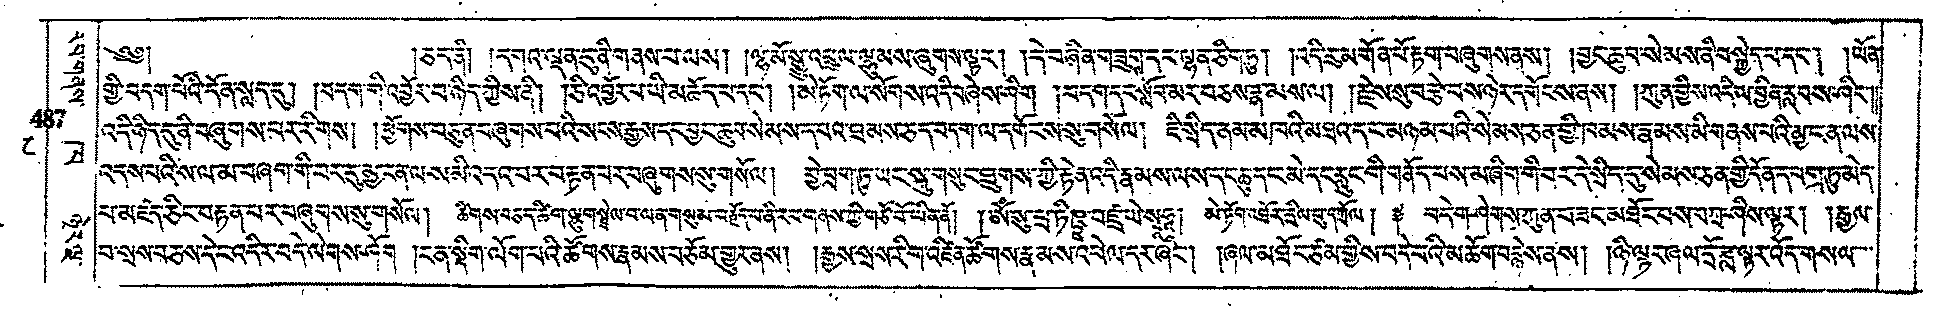༄༅། །ཅད་ནི། །དགའ་ལྡན་དུ་ནི་གནས་པ་ལས། །ལྷ་མོ་སྒྱུ་འཕྲུལ་ལྷུམས་ཞུགས་ལྟར། །དེ་བཞིན་གཟུགས་དང་ལྷན་ཅིག་ཏུ། །འདི་རུ་མགོན་པོ་རྟག་བཞུགས་ནས། །བྱང་ཆུབ་སེམས་ནི་བསྐྱེད་པ་དང་། །ཡོན་
གྱི་བདག་པོའི་དོན་སླད་དུ། །བདག་གི་འབྱོར་བ་ཉིད་ཀྱིས་ནི། །ཅི་འབྱོར་བ་ཡི་མཆོད་པ་དང་། །མེ་ཏོག་ལ་སོགས་འདི་བཞེས་ཤིག །བདག་དང་སློབ་མར་བཅས་རྣམས་ལ། །རྗེས་སུ་བརྩེབས་ཉེར་དགོངས་ནས། །ཀུན་གྱིས་འདི་ལ་བྱིན་རླབས་ཤིང།།
འདི་ཉིད་དུ་ནི་བཞུགས་པར་རིགས། །ཕྱོགས་བཅུ་ན་བཞུགས་པའི་སངས་རྒྱས་དང་བྱང་ཆུབ་སེམས་དཔའ་ཐམས་ཅད་བདག་ལ་དགོངས་སུ་གསོལ། ཇི་སྲིད་ནམ་མཁའི་མཐའ་དང་མཉམ་པའི་སེམས་ཅན་གྱི་ཁམས་རྣམས་མི་གནས་པའི་མྱ་ངན་ལས་
འདས་པའི་ས་ལ་མ་བཞག་གི་བར་དུ་མྱ་ངན་ལས་མི་འདའ་བར་བརྟན་པར་བཞུགས་སུ་གསོལ། བྱེ་བྲག་ཏུ་ཡང་སྐུ་གསུང་ཐུགས་ཀྱི་རྟེན་འདི་རྣམས་ལས་དང་ཆུ་དང་མེ་དང་རླུང་གི་གནོད་པས་མ་ཞིག་གི་བར་དེ་སྲིད་དུ་སེམས་ཅན་གྱི་དོན་དཔག་ཏུ་མེད་
པ་མཛད་ཅིང་བརྟན་པར་བཞུགས་སུ་གསོལ། ཚིགས་བཅད་ཚིགས་ལྷུག་སྦྲེལ་བ་ལན་གསུམ་བརྗོད་པ་ནི་རབ་གནས་ཀྱི་གཙོ་བོ་ཡིན་ནོ།  །ཨོཾ་སུ་པྲ་ཏི་ཥཊཿཨ་བཛྲ་ཡེ་སྭཱཧཱ། མེ་ཏོག་འཐོར་དྲིལ་བུ་དཀྲོལ།  འ་བདེ་གཤེགས་ཀུན་བཟང་མཐོང་བས་བཀྲ་ཤིས་ལྟར། །རྒྱལ་
བ་སྲས་བཅས་དེང་འདིར་བདེ་ལེགས་ཤོག །ངན་སྡིག་ལོག་པའི་ཚོགས་རྣམས་བཅོམ་གྱུར་ནས། །རྒྱས་སྲས་རིག་འཛིན་ཚོགས་རྣམས་འཕེལ་དར་ཞིང་། །ཞལ་མཐོང་ཙམ་གྱིས་བདེ་བའི་མཆོག་བརྙེས་ནས། །ཉི་ལྟར་ཞལ་དྲོ་ཟླ་ལྟར་འོད་གསལ་